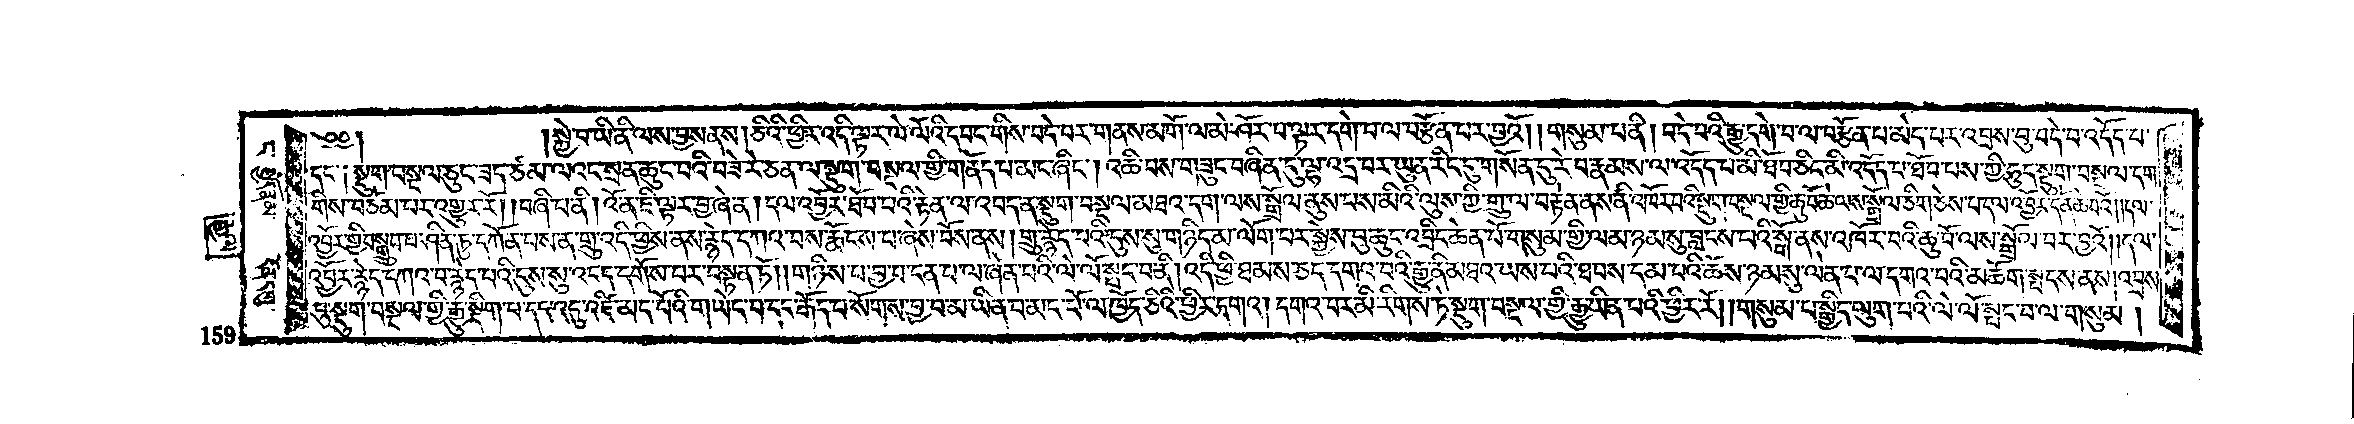༄༅། །སྐྱེ་བ་ཡི་ནི་ལས་བྱས་ན། ཅིའི་ཕྱིར་འདི་ལྟར་ལེ་ལོའི་དབང་གིས་བདེ་བར་གནས་མགོ་ལ་མེ་ཤོར་བ་ལྟར་དགེ་བ་ལ་བརྩོན་པར་བྱའོ། །གསུམ་པ་ནི། བདེ་བའི་རྒྱུ་དགེ་བ་ལ་བརྩོན་པ་མེད་པར་འབྲས་བུ་བདེ་བ་འདོད་པ་
དང༑ སྡུག་བསྔལ་ཅུང་ཟད་ཙམ་ལའང་སྲན་ཆུང་བའི་བཟེ?་རེ་ཅན་ལ་སྡུག་བསྔལ་གྱི་གནོད་པ་མང་ཞིང་། འཆི་བས་གཟུང་བཞིན་དུ་ལྷ་འདྲ་བར་ཡུན་རིང་དུ་གསོན་དུ་རེ་བ་རྣམས་ལ་འདོད་པ་མི་ཐོབ་ཅིང་མི་འདོད་པ་ཐོབ་པས་ཀྱི་ཧུད་སྡུག་བསྔལ་དག་
གིས་བཅོམ་པར་འགྱུར་རོ། །བཞི་པ་ནི། འོ་ན་ཇི་ལྟར་བྱ་ཞེ་ན། དལ་འབྱོར་ཐོབ་པའི་རྟེན་ལ་འབད་ན་སྡུག་བསྔལ་མཐའ་དག་ལས་སྒྲོལ་ནུས་པས་མིའི་ལུས་ཀྱི་གྲུབ་ལ་བརྟེན་ནས་ནི་འཁོར་བའི་སྡུག་བསྔལ་གྱི་ཆུ་བོ་ཆེ་ལས་སྒྲོལ་ཅིག་ཅེས་པ་དལ་འབྱོར་དོན་ཆེ་བའོ། །དལ་
འབྱོར་གྱི་བསྒྲུབ་པ་ཤིན་ཏུ་དཀོན་པས་ན་གྲུབ་འདི་ཕྱིས་ནས་རྙེད་དཀའ་བས་རྨོངས་པ་ཞེས་བོས་ནས། གྲུ་རྙེད་པའི་དུས་སུ་གཉིད་མ་ལོག་པར་སྐྱེས་བུ་ཆུང་འབྲིང་ཆེན་པོ་གསུམ་གྱི་ལམ་ཉམས་སུ་བླངས་པའི་སྒོ་ནས་འཁྲོ་བའི་ཆུ་བོ་ལས་སྒྲོལ་བར་བྱའོ། །དལ་
འབྱོར་རྙེད་དཀའ་བ་རྙེད་པའི་དུས་སུ་འདོད་དགོས་པར་བསྟན་ཏོ། །གཉིས་པ་བྱ་བ་ངན་པ་ལ་ཞེན་པའི་ལེ་ལོ་སྤང་བའི་ནི་འདི་ཕྱི་ཐམས་ཅད་དགའ་བའི་རྒྱུ་ནི་མཐའ་ཡས་པའི་ཐབས་དམ་པའི་ཆོས་ཉམས་སུ་ལེན་པ་ལ་དགའ་བའི་མཆོག་སྤངས་ནས། འབྲས་
བུ་སྡུག་བསྔལ་གྱི་རྒྱུ་སྡིག་པ་དང་འདུ་འཛི་མང་པོའི་གཡེང་བ་དང་རྒོད་པ་སོགས་བྱ་བ་མ་ཡིན་པ་མང་པོ་ལ་ཁྱོད་ཅིའི་ཕྱིར་དགའ། དགའ་བར་མི་རིགས་ཏེ་སྡུག་བསྔལ་གྱི་རྒྱུ་ཡིན་པའི་ཕྱིར་རོ། །གསུམ་པ་སྒྱིད་ལུག་པའི་ལེ་ལོ་སྤང་བ་ལ་གསུམ།